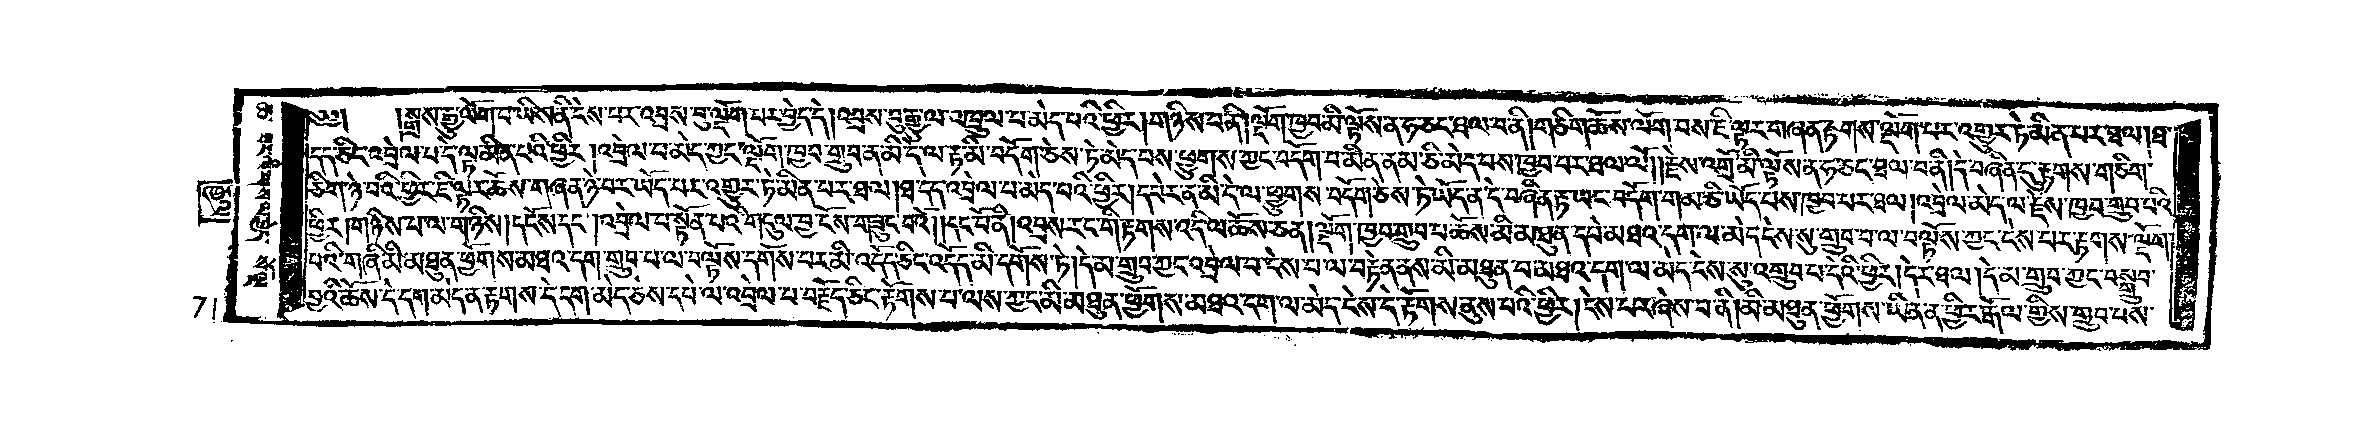༄༅། །སྒྲས་རྒྱུ་ལོག་པ་ཡིས་ནི་ངེས་པར་འབྲས་བུ་ལྡོག་པར་བྱེད་དེ། འབྲས་བུ་རྒྱུ་ལ་འཁྲུལ་པ་མེད་པའི་ཕྱིར། གཉིས་པ་ནི། ལྡོག་ཁྱབ་མི་ལྟོས་ན་ཧ་ཅང་ཐལ་བ་ནི། གཅིག་ཆོས་ལོག་པས་ཇི་ལྟར་གཞན་རྟགས་ལྡོག་པར་འགྱུར་ཏེ་མིན་པར་ཐལ། ཐ་
དད་ཅིང་འབྲེལ་པ་དེ་ལྟ་མིན་པའི་ཕྱིར། འབྲེལ་པ་མེད་ཀྱང་ལྡོག་ཁྱབ་གྲུབ་ན་མི་དེ་ལ་རྟ་མི་བདོག་ཅེས་ཏེ་མེད་པས་ཕྱུགས་ཀྱང་བདོག་པ་མིན་ནམ་ཅི་མེད་པས་ཁྱབ་པར་ཐལ་ལོ། །རྗེས་འགྲོ་མི་ལྟོས་ན་ཧ་ཅང་ཐལ་བ་ནི། དེ་བཞིན་དུ་རྟགས་གཅིག་
ཅིག་ཉེ་བའི་ཕྱིར་ཇི་ལྟར་ཆོས་གཞན་ཉེ་བར་ཡོད་པར་འགྱུར་ཏེ་མིན་པར་ཐལ། ཐ་དད་འབྲེལ་པ་མེད་པའི་ཕྱིར། དཔེར་ན་མི་དེ་ལ་ཕྱུགས་བདོག་ཅེས་ཏེ་ཡོད་ན་དེ་བཞིན་རྟ་ཡང་བདོག་གམ་ཅི་ཡོད་པས་ཁྱབ་པར་ཐལ། འབྲེལ་མེད་ལ་རྗེས་ཁྱབ་གྲུབ་པའི་
ཕྱིར། གཉིས་པ་ལ་གཉིས། དངོས་དང་། འབྲེལ་བ་སྟོན་པའི་གདུལ་བྱ་ངོས་གཟུང་བའོ། །དང་པོ་ནི། འབྲས་རང་གི་རྟགས་འདི་ལ་ཆོས་ཅན། ལྡོག་ཁྱབ་གྲུབ་པ་ཆོས་མི་མཐུན་དཔེ་མཐའ་དག་ལ་མེད་ངེས་སུ་གྲུབ་པ་ལ་བལྟོས་ཀྱང་ངེས་པར་རྟགས་ལྡོག་
པའི་གཞི་མི་མཐུན་ཕྱོགས་མཐའ་དག་གྲུབ་པ་ལ་བལྟོས་དགོས་པར་མི་འདོད་ཅིང་འདོད་མི་དགོས་ཏེ། དེ་མ་གྲུབ་ཀྱང་འབྲེལ་བ་ངེས་པ་ལ་བརྟེན་ནས་མི་མཐུན་པ་མཐའ་དག་ལ་མེད་ངེས་སུ་འགྲུབ་པ་དེའི་ཕྱིར། དེར་ཐལ། དེ་མ་གྲུབ་ཀྱང་བསྒྲུབ་
བྱའི་ཆོས་དེ་དག་མེད་ན་རྟགས་དེ་དག་མེད་ཅེས་དཔེ་ལ་འབྲེལ་བ་བརྗོད་ཅིང་རྟོགས་པ་ལས་ཀྱང་མི་མཐུན་ཕྱོགས་མཐའ་དག་ལ་མེད་ངེས་དེ་རྟོགས་ནུས་པའི་ཕྱིར། ངེས་པར་ཞེས་པ་ནི། མི་མཐུན་ཕྱོགས་ཡིན་ན་ཕྱིར་རྒོལ་གྱིས་གྲུབ་པས་